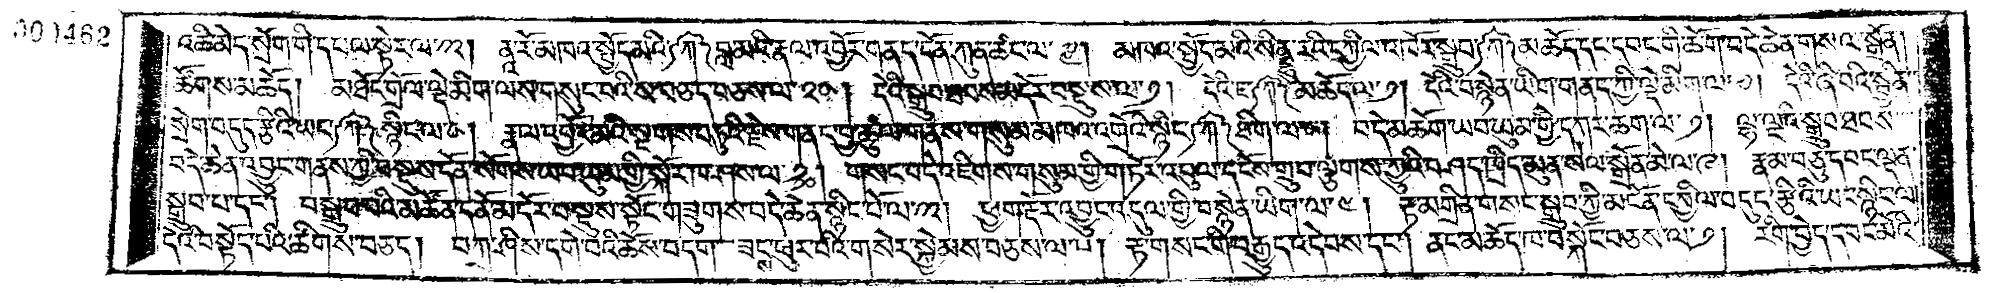འཆི་མེད་སྲོག་གི་དཔལ་སྟེར་ལ ༣། ནཱ་རོ་མཁའ་སྤྱོད་མའི ༼ཀ༽ བླ་མའི་རྣལ་འབྱོར་གནད་དོན་ཀུན་ཚང་ལ ༧༤། མཁའ་སྦྱོད་མའི་སིནྡྷུ་རའི་དཀྱིལ་འཁོར་སྒྲུབ ༼ཀ༽ མཆོད་དང་དབང་གི་ཆོ་ག་བདེ་ཆེན་གསལ་སྒྲོན་།
ཚོགས་མཆོད། མཐོང་གྲོལ་ལྡེ་མིག་ལས་གསུང་བའི་ས་བཅད་བཅས་ལ ༢༦། དེའི་སྒྲུབ་ཐབས་མདོར་བསྡུས་ལ ༡། དེའི་ཇ ༼ཀ༽ མཆོད་ལ ༡། དེའི་བསྙེན་ཡིག་གནད་ཀྱི་ལྡེ་མིག་ལ ༧། དེའི་ཞི་བའི་སྦྱིན་
སྲེག་བདུད་རྩིའི་ཡང ༼ཀ༽ སྙིང་ལ ༦། རྣལ་འབྱོར་མའི་སྔགས་བཏུའི་རྗེས་གནང་བྱ་ཚུལ་གནས་གསུམ་མཁའ་འགྲོའི་སྙིང ༼ཀ༽ ཐིག་ལ ༦། བདེ་མཆོག་ཡབ་ཡུམ་གྱི་དཀར་ཆག་ལ ༡། ལྷ་ལྔའི་སྒྲུབ་ཐབས་
བདེ་ཆེན་འབྱུང་གནས་ཀྱི་བསྡུས་དོན་སོགས་ཡབ་ཡུམ་གྱི་སྐོར་ཁ་ཤས་ལ ༡༡༠། གསང་བདེ་འཇིགས་གསུམ་གྱི་གཏོར་འབུལ་དངོས་གྲུབ་ལྕགས་ཀྱུའི་བཤད་ཁྲིད་མུན་སེལ་སྒྲོན་མེ་ལ ༩། རྣམ་བཅུ་དབང་ལྡན་
སྒྲུབ་པ་དང་། བསྒྲུབ་བའི་མཚོན་དོན་མདོར་བསྡུས་སྟོང་གཟུགས་ཡིག་ལ ༤། རྟ་མགྲིན་གསང་སྒྲུབ་ཀྱི་མངོན་དཀྱིལ་བདུད་རྩིའི་རྟ་མགྲིན་གསང་སྒྲུབ་ཀྱི་མངོན་དཀྱིལ་བདུད་རྩིའི་ཡང་སྙིང་ལ།
དེའི་བསྟོད་པའི་ཚིགས་བཅད། བཀྲ་ཤིས་དགེ་བའི་ཆོས་བདག་ཟུངས་ཕུར་བའི་གསེར་སྐྱེམས་བཅས་ལ ༥། རྟ་གསང་གི་བརྒྱུད་འདེབས་དང་། ནང་མཆོད་ཁ་བསྐོང་བཅས་ལ ༡། རིག་བྱེད་དབང་མོའི་